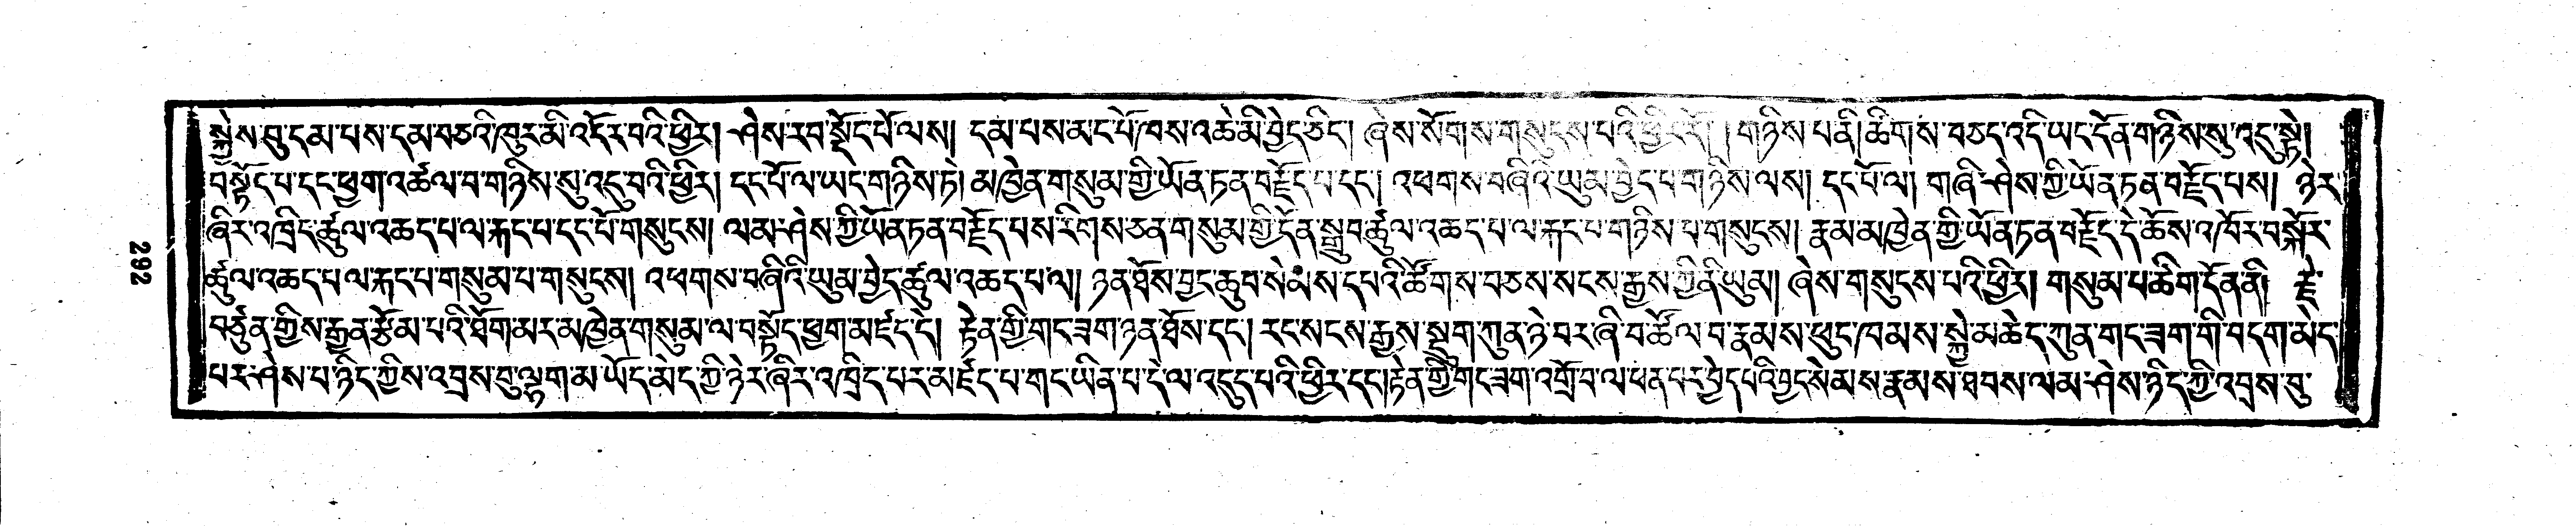སྐྱེས་བུ་དམ་པས་དམ་བཅའི་ཁུར་མི་འདོར་བའི་ཕྱིར། ཤེས་རབ་སྡོང་པོ་ལས། དམ་པས་མང་པོ་ཁས་འཆེ་མི་བྱེད་ཅིང་། ཞེས་སོགས་གསུངས་པའི་ཕྱིར་རོ། །གཉིས་པ་ནི། ཚིགས་བཅད་འདི་ཡང་དོན་གཉིས་སུ་འདུ་སྟེ།
བསྟོད་པ་དང་ཕྱག་འཚལ་བ་གཉིས་སུ་འདུ་བའི་ཕྱིར། དང་པོ་ལ་ཡང་གཉིས་ཏེ། མཁྱེན་གསུམ་གྱི་ཡོན་ཏན་བརྗོད་པ་དང་། འཕགས་བཞིའི་ཡུམ་བྱེད་པ་གཉིས་ལས། དང་པོ་ལ། གཞི་ཤེས་ཀྱི་ཡོན་ཏན་བརྗོད་པས། ཉེར་
ཞིར་འཁྲིད་ཚུལ་འཆད་པ་ལ་རྐང་པ་དང་པོ་གསུངས། ལམ་ཤེས་ཀྱི་ཡོན་ཏན་བརྗོད་པས་རིགས་ཅན་གསུམ་གྱི་དོན་སྒྲུབ་ཚུལ་འཆད་པ་ལ་རྐང་པ་གཉིས་པ་གསུངས། རྣམ་མཁྱེན་གྱི་ཡོན་ཏན་བརྗོད་དེ་ཆོས་འཁོར་བསྐོར་
ཚུལ་འཆད་པ་ལ་རྐང་པ་གསུམ་པ་གསུངས། འཕགས་བཞིའི་ཡུམ་བྱེད་ཚུལ་འཆད་པ་ལ། ཉན་ཐོས་བྱང་ཆུབ་སེམས་དཔའི་ཚོགས་བཅས་སངས་རྒྱས་ཀྱི་ནི་ཡུམ། ཞེས་གསུངས་པའི་ཕྱིར། གསུམ་པ་ཚིག་དོན་ནི། རྗེ་
བཙུན་གྱིས་རྒྱན་རྩོམ་པའི་ཐོག་མར་མཁྱེན་གསུམ་ལ་བསྟོད་ཕྱག་མཛད་དེ། རྟེན་གྱི་གང་ཟག་ཉན་ཐོས་དང་། རང་སངས་རྒྱས་སྡུག་ཀུན་ཉེ་བར་ཞི་བ་ཚོལ་བ་རྣམས་ཕུང་ཁམས་སྐྱེ་མཆེད་ཀུན་གང་ཟག་གི་བདག་མེད་
པར་ཤེས་པ་ཉིད་ཀྱིས་འབྲས་བུ་ལྷག་མ་ཡོད་མེད་ཀྱི་ཉེར་ཞིར་འཁྲིད་པར་མཛད་པ་གང་ཡིན་པ་དེ་ལ་འདུད་པའི་ཕྱིར་དང་། རྟེན་གྱི་གང་ཟག་འགྲོ་བ་ལ་ཕན་པར་བྱེད་པའི་བྱང་སེམས་རྣམས་ཐབས་ལམ་ཤེས་ཉིད་ཀྱི་འབྲས་བུ་